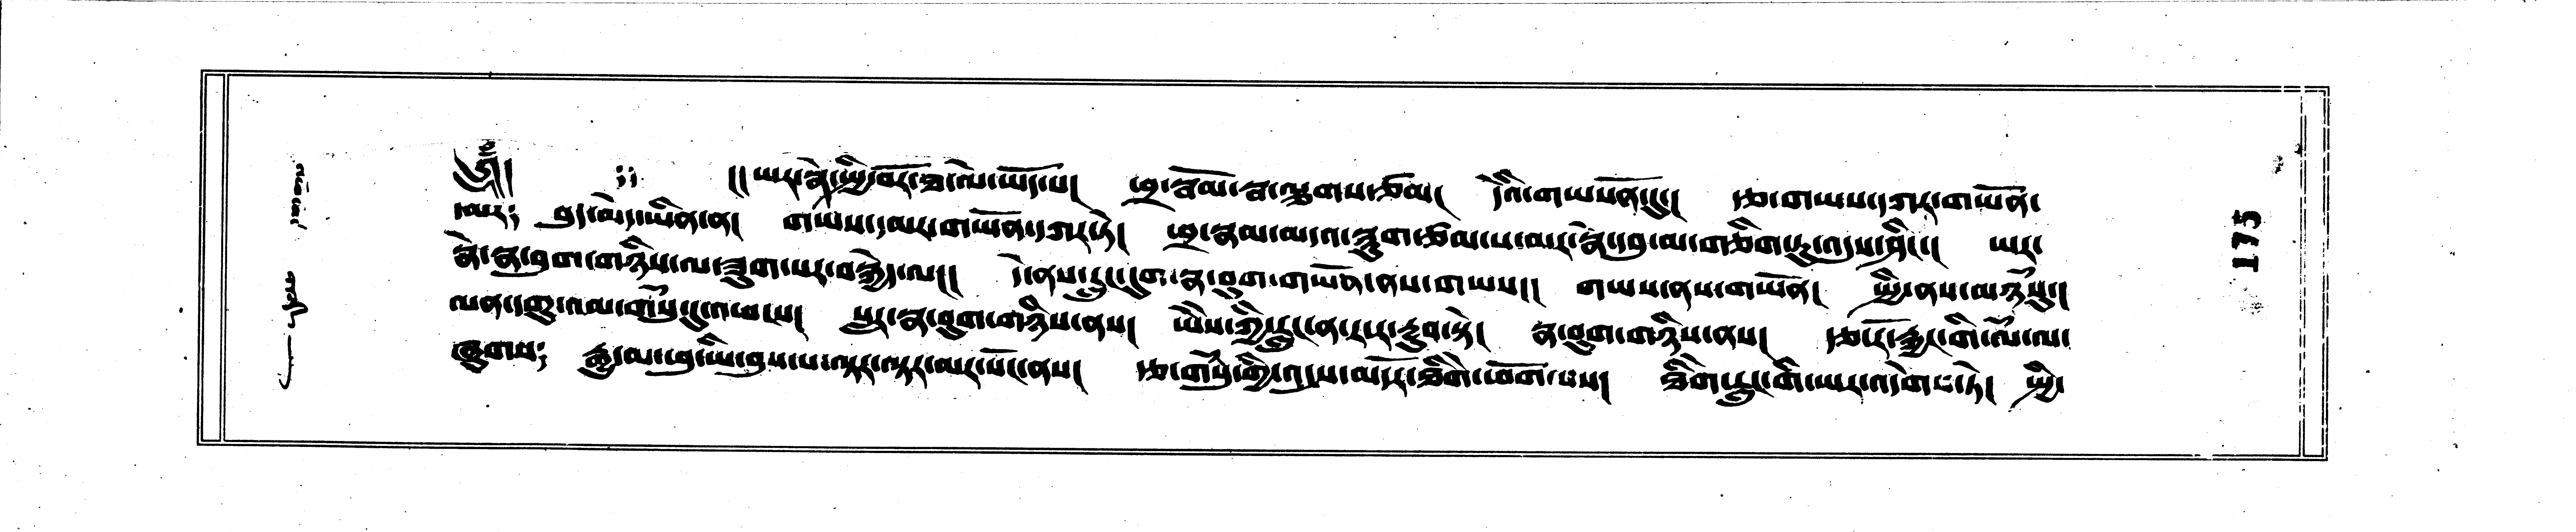ཡར་སྣེ་སྤྱི་བོར་ཐ་ལེ་ཡོད་པ། ཕྲ་སྦོམ་སྦ་ལྕག་ཙམ། དེའི་གཡས་གཡོན་དུ། རྩ་གཡས་དཀར་གཡོན་
དམར། བུད་མེད་ཡིན་ན་གཡས་དམར་གཡོན་དཀར་ཏེ། ཕྲ་སྣམ་མདའ་སྙུག་ཙམ་པ་མར་སྣེ་དབུ་མ་གཅིག་ཏུ་འདུས་ཤིང་། ཡར་
སྣེ་སྣ་བུག་གཉིས་ནས། ཡེ་ཤེས་ཀྱི་རླུང་ན་ར་ར་རྔུབ་སྟེ། སྣ་བུག་གཉིས་ནས། རྩ་རོ་རྐྱང་གི་ལམ་ལ་
ཞུགས། རྒྱུ་མ་ཕུ་ཡིས་བུས་པ་ལྟར་མར་ངོས་ནས། རྩ་གསུམ་གྱི་འདུས་མདོར་ཐིག་ལེ་ཕོག་པས། ཐིག་ལེ་རླུང་གིས་ཡར་འདེགས་ཏེ། སྤྱི་